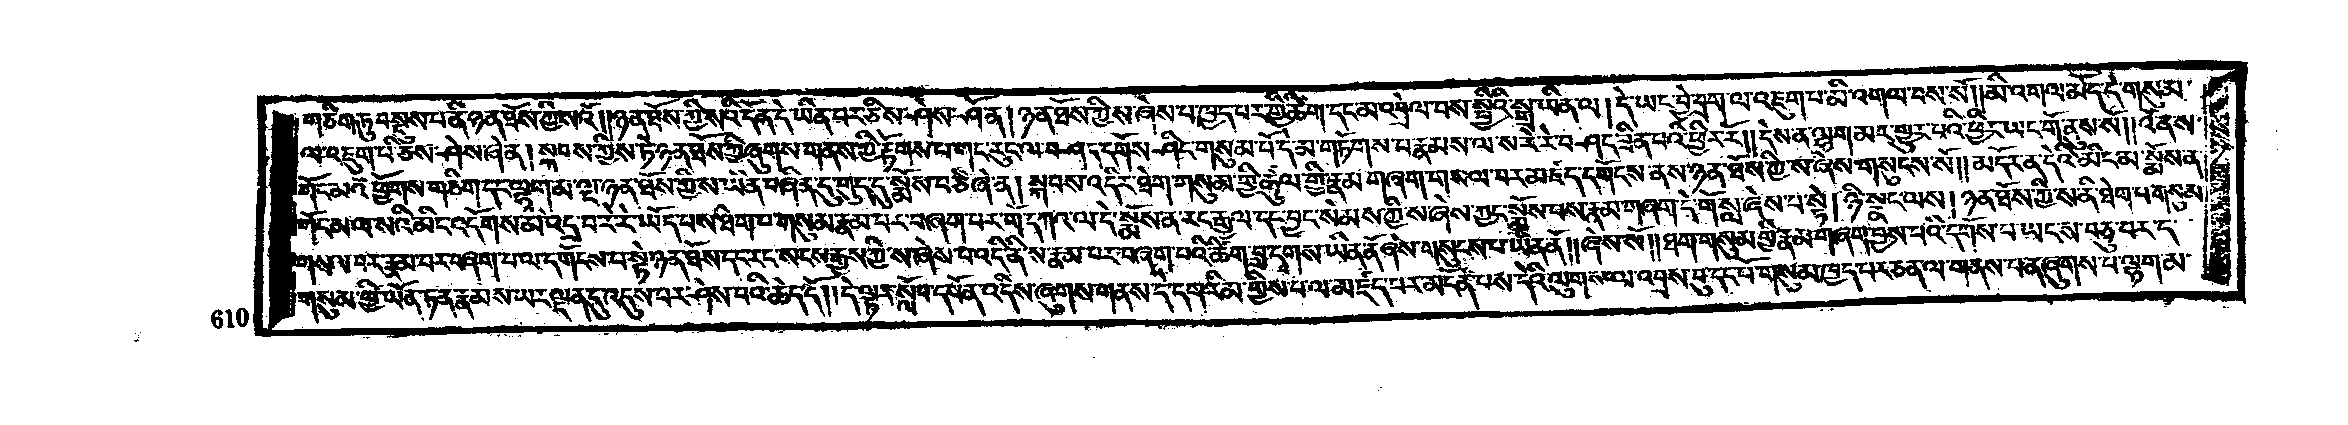གཅིག་ཏུ་བསྡུས་པ་ནི་ཉན་ཐོས་ཀྱི་སའོ། །ཉན་ཐོས་ཀྱི་སའི་དོན་དེ་ཡིན་པར་ཅིས་ཤེས་ཤེ་ན། ཉན་ཐོས་ཀྱི་ས་ཞེས་པ་ཁྱད་པར་གྱི་ཚིག་དང་མ་འབྲེལ་བས་སྤྱིའི་སྒྲ་ཡིན་ལ། དེ་ཡང་བྱེ་བྲག་ལ་འཇུག་པ་མི་འགལ་བས་སོ། །མི་འགལ་མོད་དེ་གསུམ་
ལ་འཇུག་པ་ཅེས་ཤེས་ཞེ་ན། སྐབས་ཀྱིས་ཏེ་ཉན་ཐོས་ཀྱི་ཞུགས་གནས་ཀྱི་རྟོགས་པ་གང་རུང་ལ་བཤད་དགོས་ཤིང་གསུམ་པོ་དེ་མ་གཏོགས་པ་རྣམས་ལ་ས་རེ་རེ་བཤད་ཟིན་པའི་ཕྱིར་རོ། །དེས་ན་ལྷག་མར་གྱུར་བའི་ཕྱིར་ཡང་གོ་ནུས་སོ། །འོ་ན་ས་
གོང་མའི་ཕྱོགས་གཅིག་དང་ལྷག་མ་ལྔ་ཉན་ཐོས་ཀྱི་ས་ཡིན་བཞིན་དུ་གུད་དུ་སྨོས་པ་ཅི་ཞེ་ན། སྐབས་འདིར་ཐེག་གསུམ་གྱི་ཚུལ་གྱི་རྣམ་གཞག་གསལ་བར་མཛད་དགོངས་ནས་ཉན་ཐོས་ཀྱི་ས་ཞེས་གསུངས་སོ། །མདོར་ན་དེའི་མིང་མ་སྨོས་ན་
གོང་མ་ལ་སའི་མིང་འདོགས་མི་འདྲ་བ་རེ་རེ་ཡོད་པས་ཐེག་པ་གསུམ་རྣམ་པར་བཞག་པར་གོ་དཀའ་ལ་དེ་སྨོས་ན་རང་རྒྱལ་དང་བྱང་སེམས་ཀྱི་ས་ཞེས་ཀྱང་སྨོས་པས་རྣམ་གཞག་དེ་གོ་སླ་ཞེས་པ་སྟེ། ཉི་སྣང་ལས། ཉན་ཐོས་ཀྱི་ས་ནི་ཐེག་པ་གསུམ་
གསལ་བར་རྣམ་པར་བཞག་པ་ལ་དགོངས་པ་སྟེ་ཉན་ཐོས་དང་རང་སངས་རྒྱས་ཀྱི་ས་ཞེས་པ་འདི་ནི་ས་རྣམ་པར་བཞག་པའི་ཚིག་བླ་དྭགས་ཡིན་ནོ་ཞེས་གསུངས་པ་ཡིན་ནོ། །ཞེས་སོ། །ཐེག་གསུམ་གྱི་རྣམ་གཞག་བྱས་པའི་དགོས་པ་ཡང་ས་བཅུ་པར་དེ་
གསུམ་གྱི་ཡོན་ཏན་རྣམས་ཡར་ལྡན་དུ་འདུས་པར་ཤེས་པའི་ཆེད་དོ། །དེ་ལྟར་སློབ་དཔོན་འདིས་ཞུགས་གནས་དེ་དག་རིམ་གྱིས་པ་ལ་མཛད་པར་མངོན་པས་དེའི་ལུགས་ལ་འབྲས་བུ་དང་པོ་གསུམ་ཁྱད་པར་ཅན་ལ་གནས་པ་ན་ཞུགས་པ་ལྷག་མ་